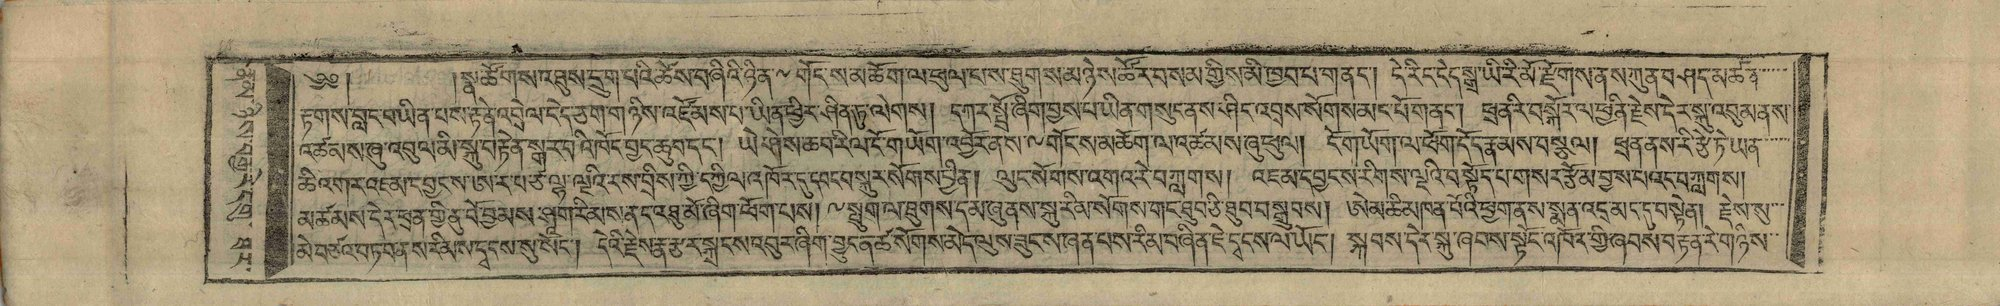༄༅། །སྣ་ཚོགས་འཐུས་དྲུག་པའི་ཚེས་བཞིའི་ཉིན་༧གོང་ས་མཆོག་ལ་ཕུལ་པས་ཐུགས་མཉེས་ཚོར་བསམ་གྱིས་མི་ཁྱབ་པ་གནང་། དེ་རིང་ངེད་སྒྲ་ཡི་རི་མོ་རྫོགས་ནས་ཀུན་བཤད་མཚན་
རྟགས་བླང་བ་ཡིན་པས་རྟེན་འབྲེལ་ངེད་ཅག་གཉིས་འཛོམས་པ་ཡིན་ཕྱིར་ཤིན་ཏུ་ལེགས། དཀར་སྤྲོ་ཞིག་བྱས་པ་ཡིན་གསུང་ནས་ཤིང་འབྲས་སོགས་མང་པོ་གནང་། ཕྲན་རི་བསྐོར་ལ་ཕྱིན་རྗེས་དེར་སྐུ་འབུམ་ནས་
འཚམས་ཞུ་འབུལ་མི་སྐུ་བརྟེན་སྒར་བའི་ཁོང་བྱང་ཆུབ་དང་། ཡེ་ཤེས་ཆབ་རིལ་ངོ་གཡོག་འབྱོར་ནས་༧གོང་ས་ཆོག་ལ་འཚམས་ཞུ་ཕུལ། ངོ་གཡོག་ལ་ཕོག་དོད་རྣམས་བསྩལ། ཕྲན་ནས་རི་རྩེ་ཏེ་ཡན་
ཆི་འགར་འཇམ་དབྱངས་ཨ་ར་པ་ཙ་ལྷ་ལྔའི་རས་བྲིས་ཀྱི་དཀྱིལ་འཁོར་དུ་དབང་བསྐུར་སོགས་བྱིན། ལུང་སོགས་འགའ་རེ་བཀླགས། འཇམ་དབྱངས་རིགས་ལྔའི་བསྟོད་པ་གསར་རྩོམ་བྱས་པའང་བཀླགས།
མཚམས་དེར་ཕྲན་གྱི་ནུ་བོ་བྱམས་ཤཱག་རིམས་ནད་འཐུ་མོ་ཞིག་ཕོག་པས། ༧སྤུག་ལ་ཐུགས་དམ་ཞུ་ནས་སྐུ་རིམ་སོགས་གང་ཐུབ་ཅི་ཐུབ་བསྒྲུབས། ཨེམ་ཆི་མཁན་པོའི་ཕྱག་ནས་སྨན་འདྲ་མང་དུ་བསྟེན། རྗེས་སུ་
མེ་བཙའ་བཏབ་ནས་རིམས་དྭངས་སུ་སོང་། དེའི་རྗེས་རྣ་རྩར་སྐྲངས་འབུར་ཞིག་བྱུང་ན་ཚ་སོགས་མེད་ལུས་ཟུངས་ཞན་པས་རིམ་བཞིན་ཇེ་དྭངས་ལ་ཡོང་། སྐབས་དེར་སྐུ་ཞབས་སྟོང་འཁོར་གྱི་ཞབས་བརྟན་རེ་གཉིས་